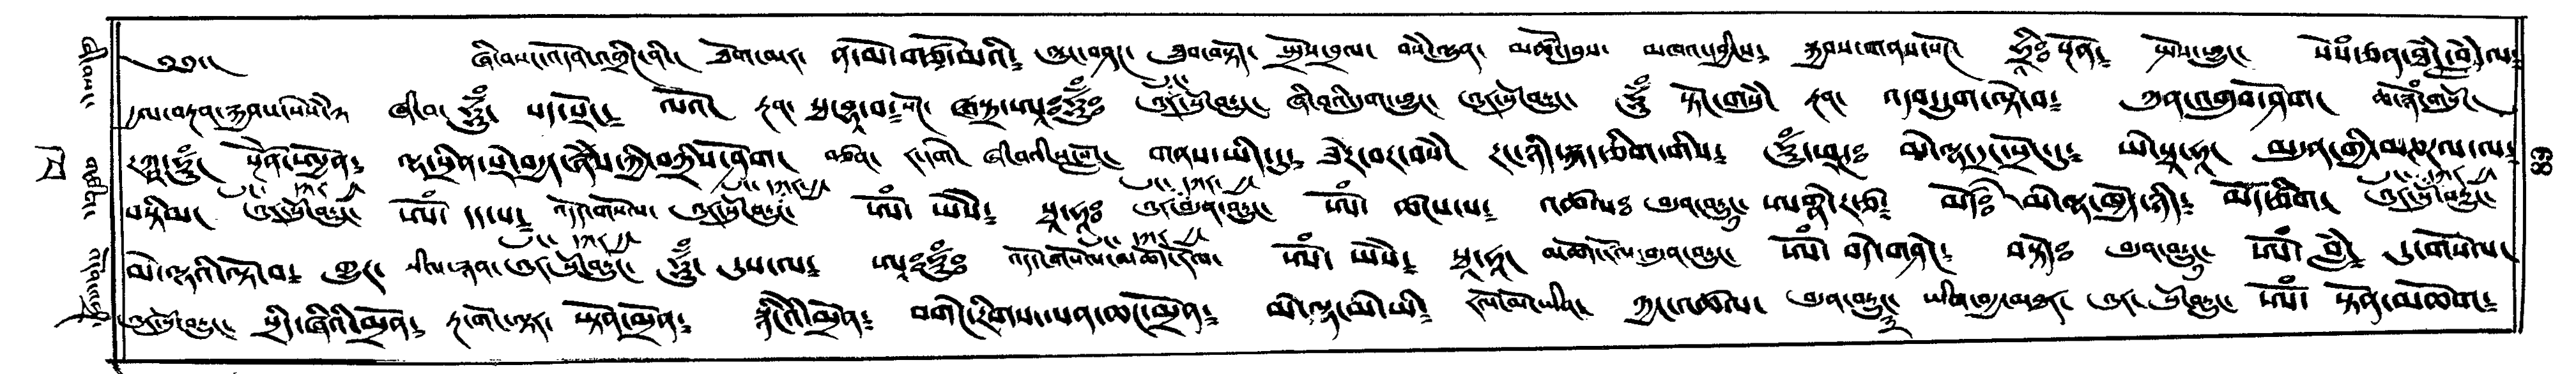ཞི་བསང་འདོན་འགྲིགས་ནི། ཐོག་མར། ན་མོ་གཙོ་མའི༴ ལྟུང་བཤགས། ཐུབ་བསྟོད། སྤྲོས་བྲལ། བསམ་ལྷུན། མཚོ་དབུས། མཁའ་དབྱིངས༴ སྐྱབས་གནས་སོགས། ཧྲཱིཿསྔོན༴ སྤོས་ཕྱུང་། སེམས་ཅན་ཐམས་ཅད་བླ་མ་ལ༴ 
རྒྱལ་བརྔན་སྐྱབས་སེམས་༢ ཞི་བ། ཧཱུྃ། པད་སྡོང༴ ལའོ། རྔན། སྭ་བྷཱ་བ༴ སོགས། ཝསྟྲ་ཨཱཿཧཱུྃ འུར་སུམ་བརྡུང་། ཞི་བའི་དུག་ཕྱུང་། འུར་སུམ་བརྡུང་། ཧཱུྃ། སྟོང་གསུམ། རྔན། འདབ་དྲུག་ལྟེ་བ༴ ཀུན་འགྲུབ་ཤོག ཆ་སྙོམ་གསུམ། 
རཀྵ་ཧཱུཾ། སྔོན་ཚེ་ཨོ་རྒྱན༴ ལྷ་སྲིན་སྡེ་བརྒྱད་རྣམས་ཀྱི་བཀྲ་ཤིས་ཤོག ། བཙན། ར་དགེ། ཞི་བའི་ས་སློང་། གནས་ཡིད་དུ༴ ཟེར་བར་བསམ། རང་ཉིད་སྐད་ཅིག་གིས༴ ཧཱུཾ་ཕཊཿ མེ་ལྷ་དྲང་སྲོང་དུ༴ ཡེ་སྭ་ཧཱ། མདུན་གྱི་མཎྜལ་ལ༴ 
བསྟིམ། འུར་སུམ་བརྡུང་། ཨོཾ། དད་པ༴ འདོད་གསོལ། འུར་སུམ་བརྡུང་། དུང་དཀར་རྒྱ། ཨོཾ། ཡེ་ཤཻས་༴ སྭ་ཧཱཿ འུར་བདུན་བརྡུང་། དུང་དཀར་རྒྱ། ཨོཾ། ཚངས་པ༴ འཚལཿ བདུན་བརྡུང་༡ ཨགྣེ་ར་ཙ༴ མཛོདཿ མེ་ལྷ་ཁྱོད་ཉིད༴ མཛོད་ཅིག འུར་གསུམ་བརྡུང་དུང་དཀར་རྒྱ། 
མེ་ལྷའི་ལྟོ་བ༴ གྱུར། སིལ་སྙན། འུར་སུམ་བརྡུང་། དུང་དཀར་རྒྱ། ཧཱུྃ། དུས་ལ༴ ཨཱཿཧཱུཾཿ འདོད་གསོལ་མཆོད་རོལ། ཨོཾ། ཡེ་ཤེས༴ སྭ་ཧཱ། མཆོད་རོལ་བདུན་བརྡུང་། ཨོཾ། བདེ་གཤེགས༴ བསྟོདཿ བདུན་བརྡུང་༡ ཨོཾ་བླ་མ་དུ་གསོལ། 
འུར་སུམ་བརྡུང་། སྲིད་ཞིའི་མགྲོན། རྔ་གོང་ལྟར། ཡོན་ཏན་མགྲོན་སྙིང་རྗེའི་མགྲོན་བགེགས་རིགས་ལན་ཆགས་མགྲོན། མི་ལྷ་མེ་ཡི། རོལ་མོ་ཡིན། ཕྱག་འཚལ། བདུན་རྡུང་༣ ཡིག་བརྒྱ་མཐར། འུར་སུམ་བརྡུང་། ཨོཾ། སྟོན་མཆོག༴